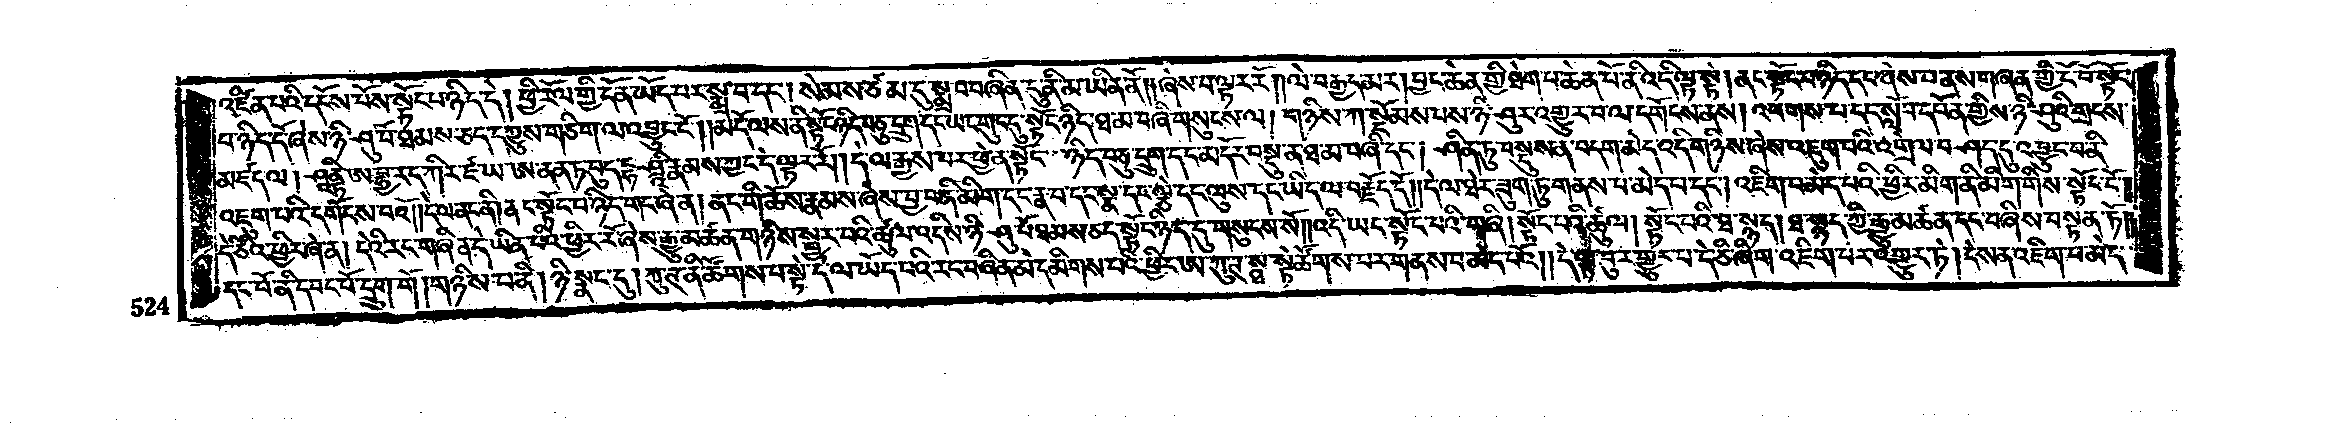འཛིན་པའི་དངོས་པོས་སྟོང་པ་ཉིད་དེ། ཕྱི་རོལ་གྱི་དོན་ཡོད་པར་སྨྲ་བ་དང་། སེམས་ཙམ་དུ་སྨྲ་བ་བཞིན་དུ་ནི་མ་ཡིན་ནོ། །ཞེས་པ་ལྟར་རོ། །ལེ་བརྒྱད་མར། བྱང་ཆེན་གྱི་ཐེག་པ་ཆེན་པོ་ནི་འདི་ལྟ་སྟེ། ནང་སྟོང་པ་ཉིད་དང་ཞེས་པ་ནས་གཞན་གྱི་ངོ་བོ་སྟོང་
པ་ཉིད་དོ་ཞེས་ཉི་ཤུ་པོ་ཐམས་ཅད་དཀྱུས་གཅིག་ལ་འབྱུང་ངོ། །མདོ་ལས་ནི་སྟོང་ཉིད་བཅུ་དྲུག་དང་ཡང་གུང་དུ་སྟོང་ཉིད་ཐ་མ་བཞི་གསུངས་ལ། གཉིས་ཀ་སྡོམས་པས་ཉི་ཤུར་འགྱུར་བ་ལ་དགོངས་ནས། འཕགས་པ་དང་སློབ་དཔོན་གྱིས་ཉི་ཤུའི་གྲངས་
མཛད་ལ། ཤཱནྟི་ཨ་བྷྱ་རད་ཀིར་ཛ་ཡ་ཨ་ནན་ཏ་བུད་དྷ་ཤྲཱི་རྣམས་ཀྱང་དེ་ལྟར་རོ། །དེ་ལ་རྒྱས་པར་ཕྱེ་ན་སྟོང་ཉིད་བཅུ་དྲུག་དང་མདོར་བསྡུ་ན་ཐ་མ་བཞི་དང་། ཤིན་ཏུ་བསྡུས་ན་བདག་མེད་འདི་གཉིས་ཞེས་འཇུག་པའི་འགྲེལ་བཤད་དུ་འབྱུང་བ་ནི་
འཇུག་པའི་དགོངས་པའོ། །དེ་ལ་ནང་ནི། ནང་སྟོང་པ་ཉིད་གང་ཞེ་ན། ནང་གི་ཆོས་རྣམས་ཞེས་བྱ་བ་ནི་མིག་དང་རྣ་བ་དང་སྣ་དང་ལྕེ་དང་ལུས་དང་ཡིད་ལ་བརྗོད་དོ། །དེ་ལ་ཐེར་ཟུག་ཏུ་གནས་པ་མེད་པ་དང་། འཇིག་པ་མེད་པའི་ཕྱིར་མིག་ནི་མིག་གིས་སྟོང་ངོ། །
དེ་ཅིའི་ཕྱིར་ཞེ་ན། དེའི་རང་གཞིན་དེ་ཡིན་པའི་ཕྱིར་རོ་ཞེས་རྒྱུ་མཚན་གཉིས་སྦྱར་བའི་ཚུལ་འདིས་ཉི་ཤུ་པོ་ཐམས་ཅད་སྟོང་ཉིད་དུ་གསུངས་སོ། །འདི་ཡང་སྟོང་པའི་གཞི། སྟོང་པའི་ཚུལ། སྟོང་པའི་ཐ་སྙད། ཐ་སྙད་ཀྱི་རྒྱུ་མཚན་དང་བཞིས་བསྟན་ཏོ། །
དང་པོ་ནི་དབང་པོ་དྲུག་གོ །གཉིས་པ་ནི། ཉི་སྣང་དུ། ཀུ་ཊ་ནི་ཚོགས་པ་སྟེ་དེ་ལ་ཡོད་པའི་རང་བཞིན་མི་དམིགས་པའི་ཕྱིར་ཨ་ཀུ་ཊ་སྠ་སྟེ་ཚོགས་པར་གནས་པ་མེད་པའོ། །དེ་ལྟ་བུར་གྱུར་པ་དེ་ཅི་ཞིག་འཇིག་པར་འགྱུར་ཏེ། ངེས་ན་འཇིག་པ་མེད་